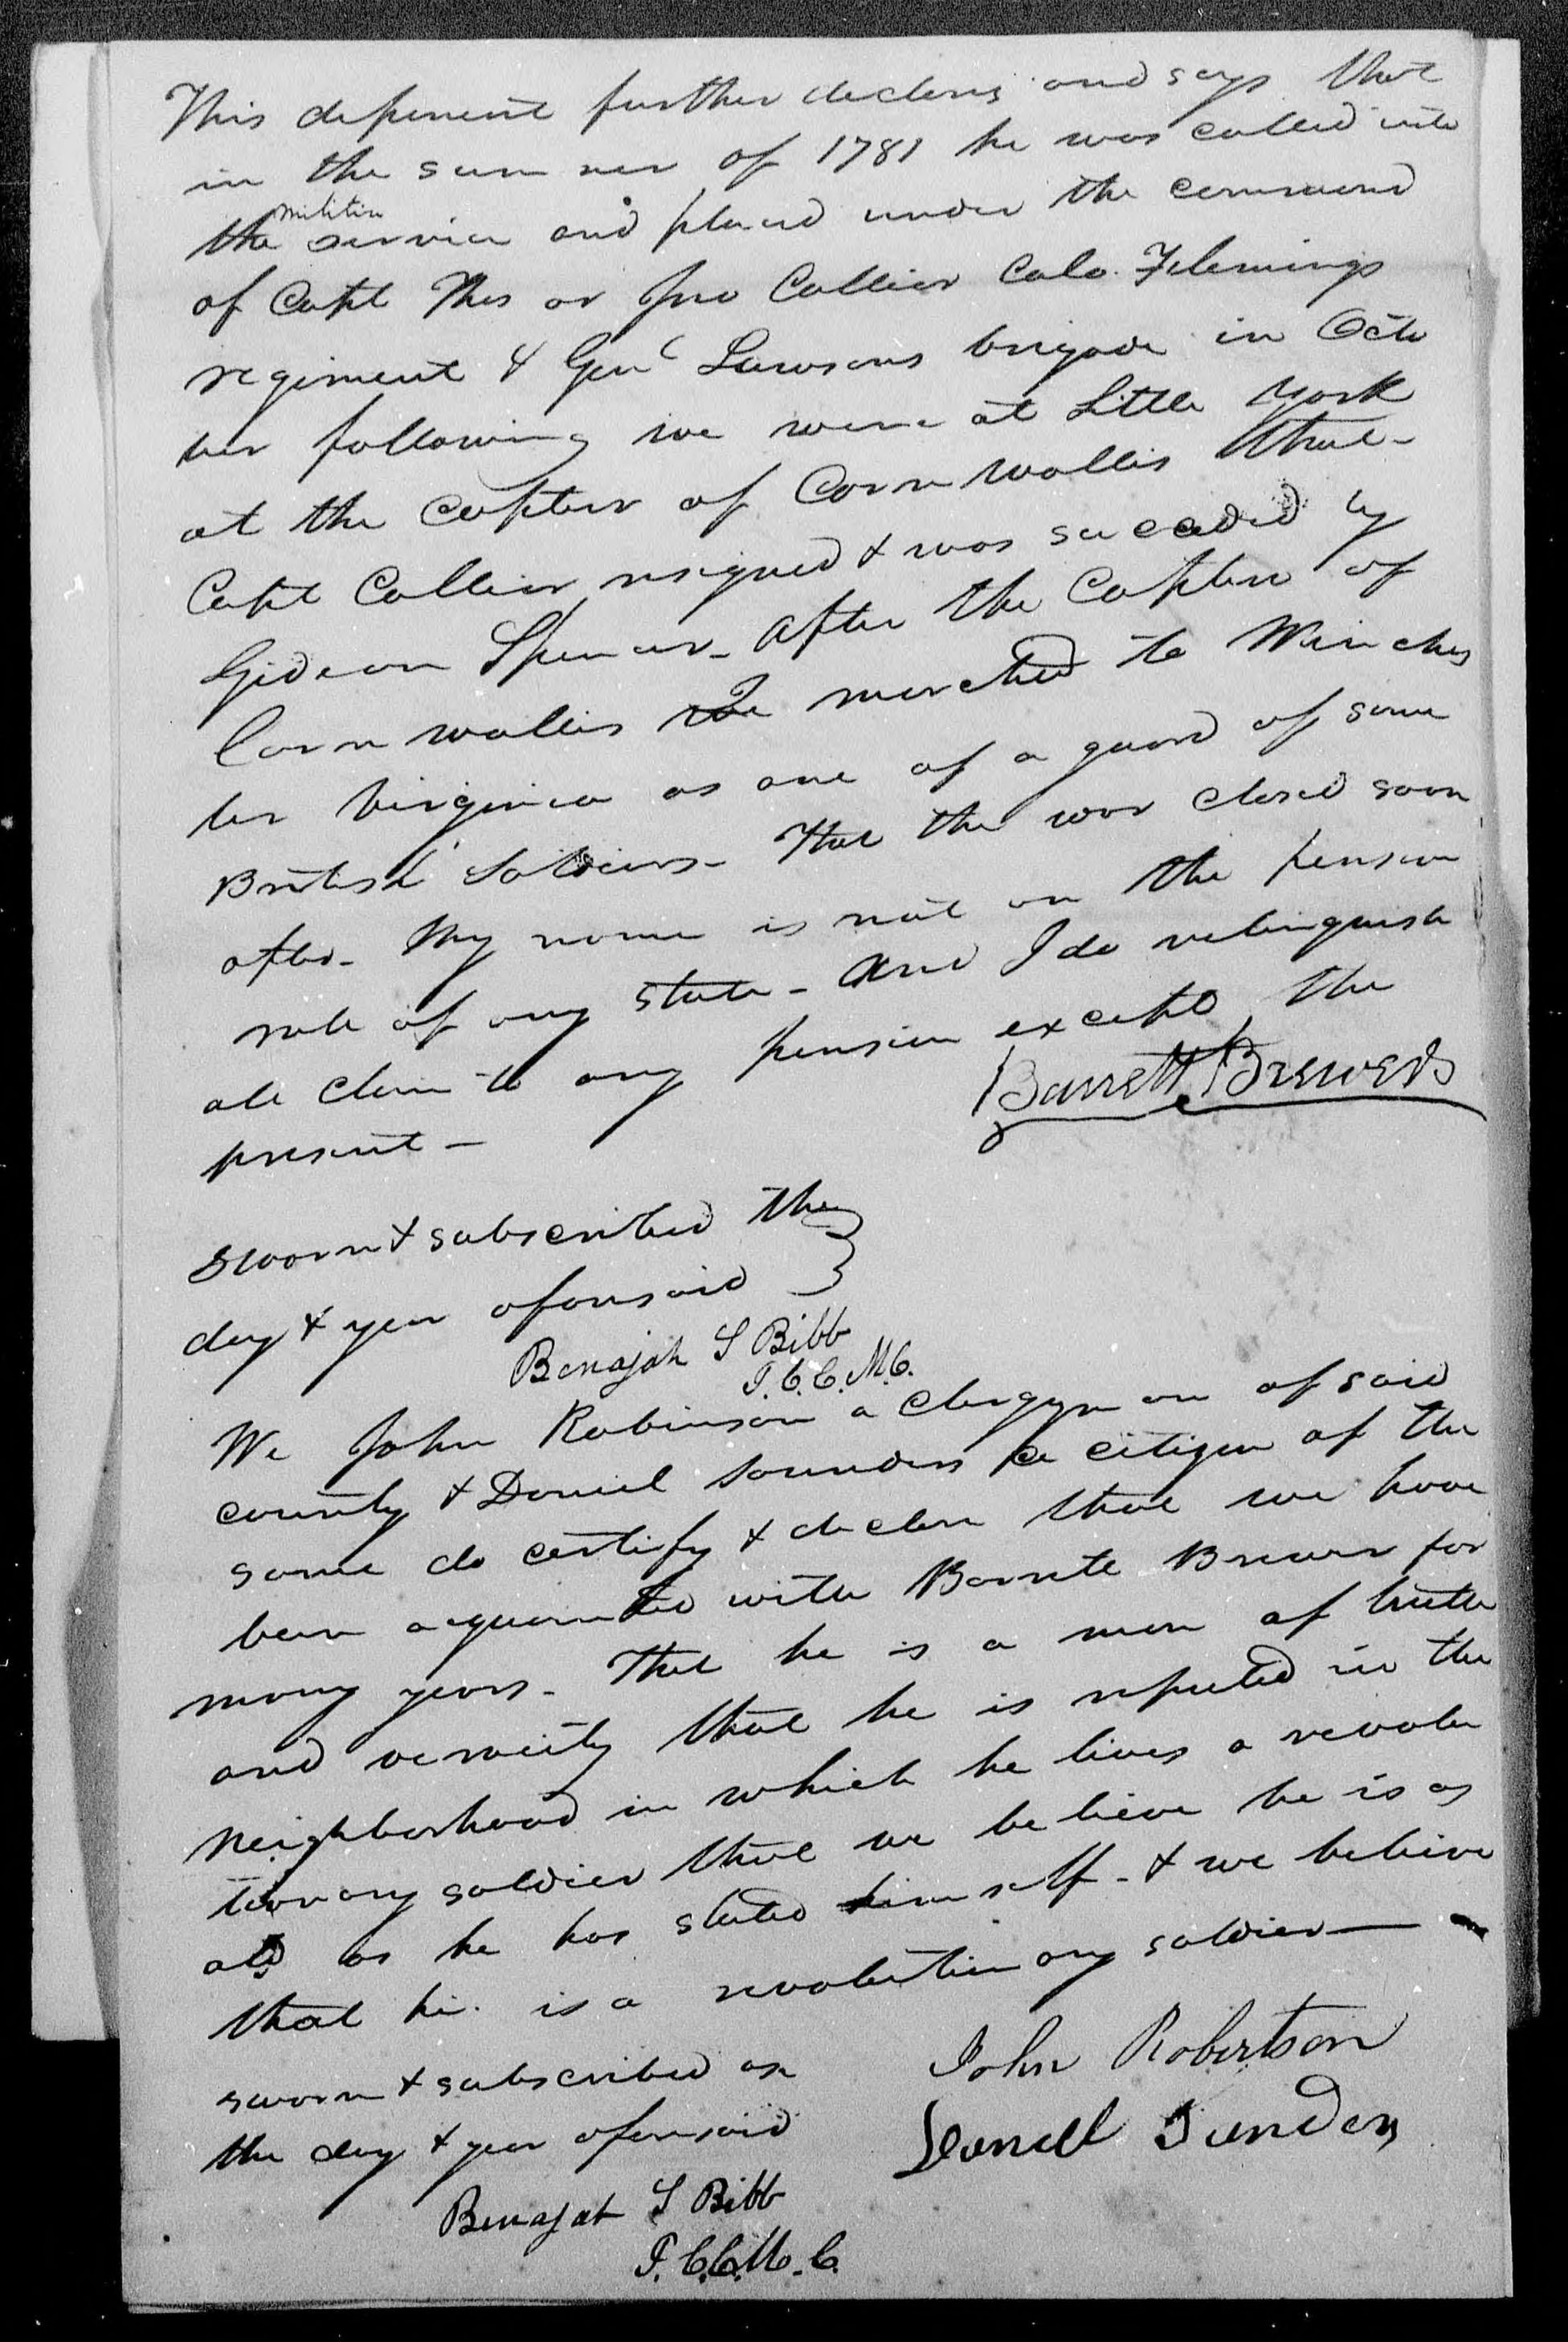This deponent further declares and says that
the summer of 1781 he was called into the [added above the line] militia service and placed under the command 
of Capt  this or jure Collier Colo Fleming's
regiment & Gen Lawsons brigade in October 
following we were at Little York at the capture of Cornwallis Where
Capt Collier resigned & was succeeded by
Gideon Thomas.  After the capture of
Cornwallis, I marched to Winchester 
Virginia as one of a guard of some
British soldiers - That the was cleared soon
after.    My name us bit in the pension
role of my state-and I do relinquish
[illegible] claim to my pension except the
present-
             [signed] Barrett Brewer

Sworn to subscribe this
day & year aforesaid
   Benajah L. Bill
  I.C.C.M.C.
We John Robinson a clergyman of said
county & Daniel Sounders a citizen of the 
same do certify & claim that we have
been acquainted with Barrete Brewer for
many years. That his is a man of truth 
and veracity that he is refuted in the
neighborhood in which he lives a revolu
tionary soldier where we believe he is of
[illegible] he has saluted himself.   & we believe
that he is a revolutionary soldier -
         [ signed]  John Robertson
                  Daniel Sanders

Sworn & subscribed on
this day & year aforementioned.
Benajah T. Bibb
J.C.M.C.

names: Benajah S Bibb, Daniel Saunders, Jno Collier, John Robinson, Collier, Barrett Brewer, Lawsons, John Robertson, Thos Collier, Gideon Spencer, Benajah S Bibb, Daniel Sanders, Barrett Brown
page: 4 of 49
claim: survivor's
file: S. 32,131, Barrett Brewer, Va.